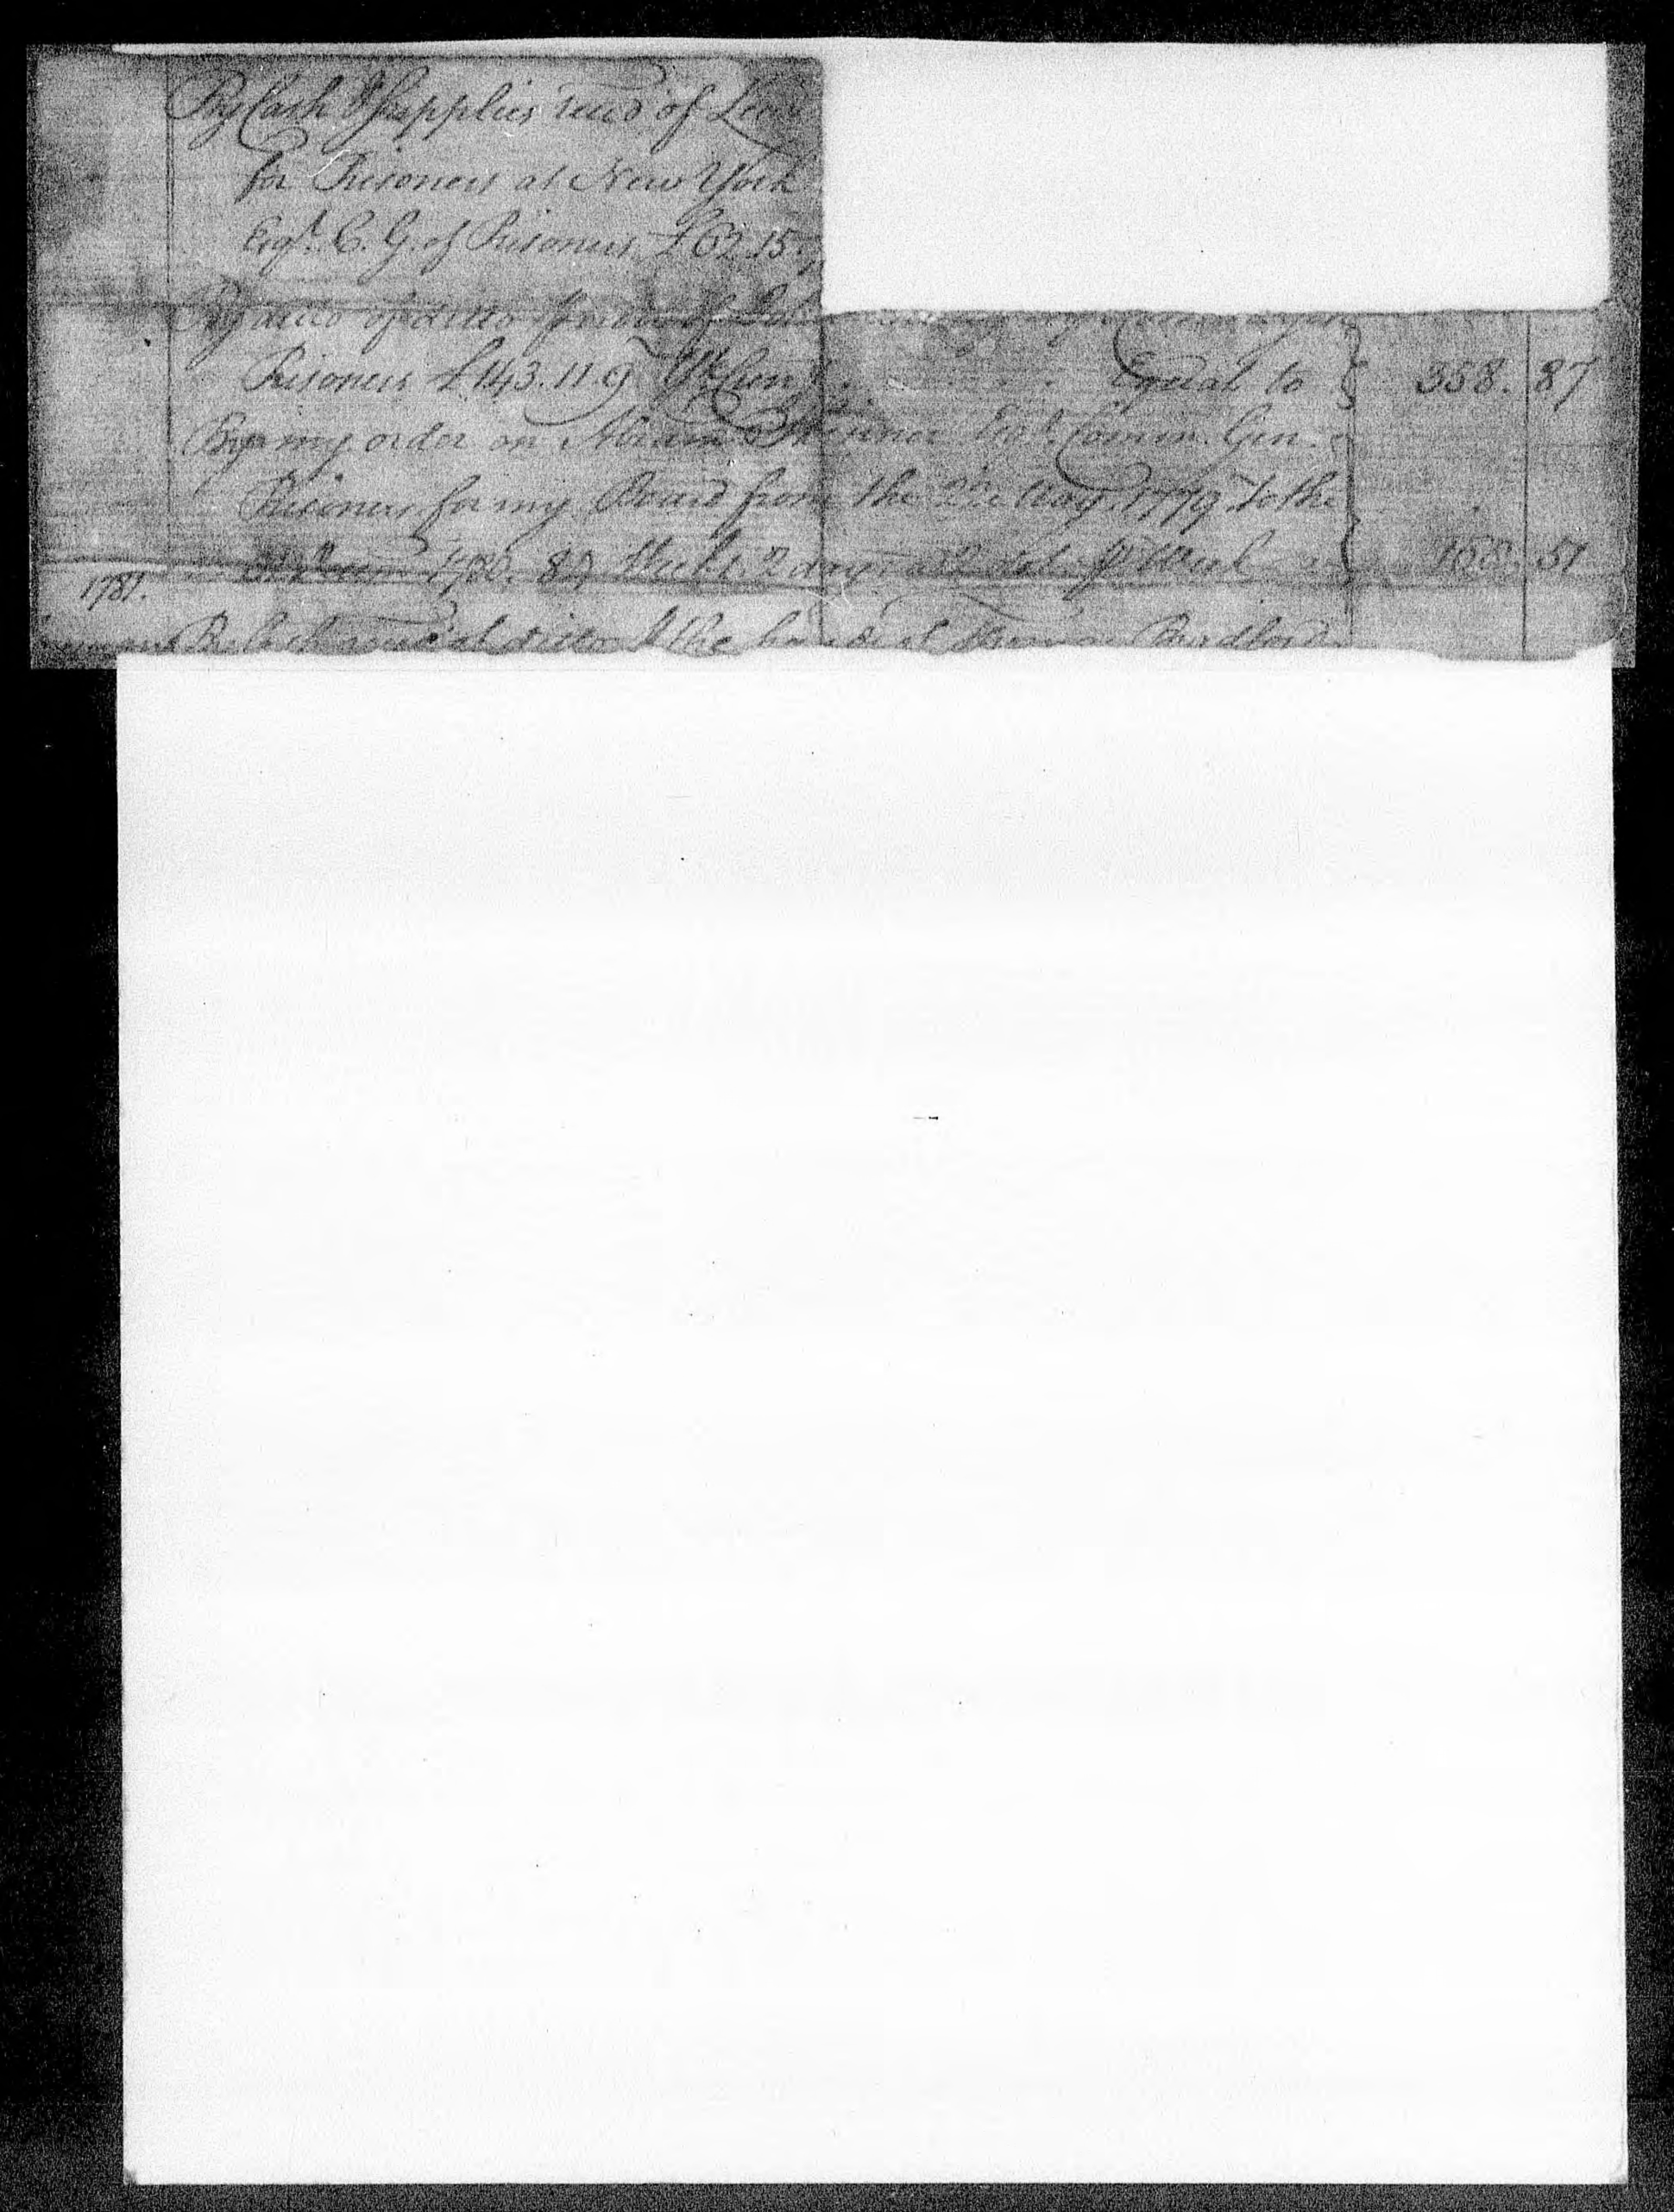By Cash & Supplies recd. of [illegible]
for Prisoners at New York
[illegible] C.G. of Prisoners [English pound sign]62.15

By [illegible] of [remainder illegible]
Prisoners [English pound sign]143.11.g [illegible] Equal to } 358.87

By my order on Abram Skinner Esqr. [illegible] Gen. }
Prisoner for my board from the 22d May, 1779 to the }
31 Decem 1780 84 weeks 2 days at 2 dol. p. week } 166.51

1781.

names: Abram Skinner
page: 24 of 59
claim: widow's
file: W. 9383, Nathaniel Chew, Navy (Md.)